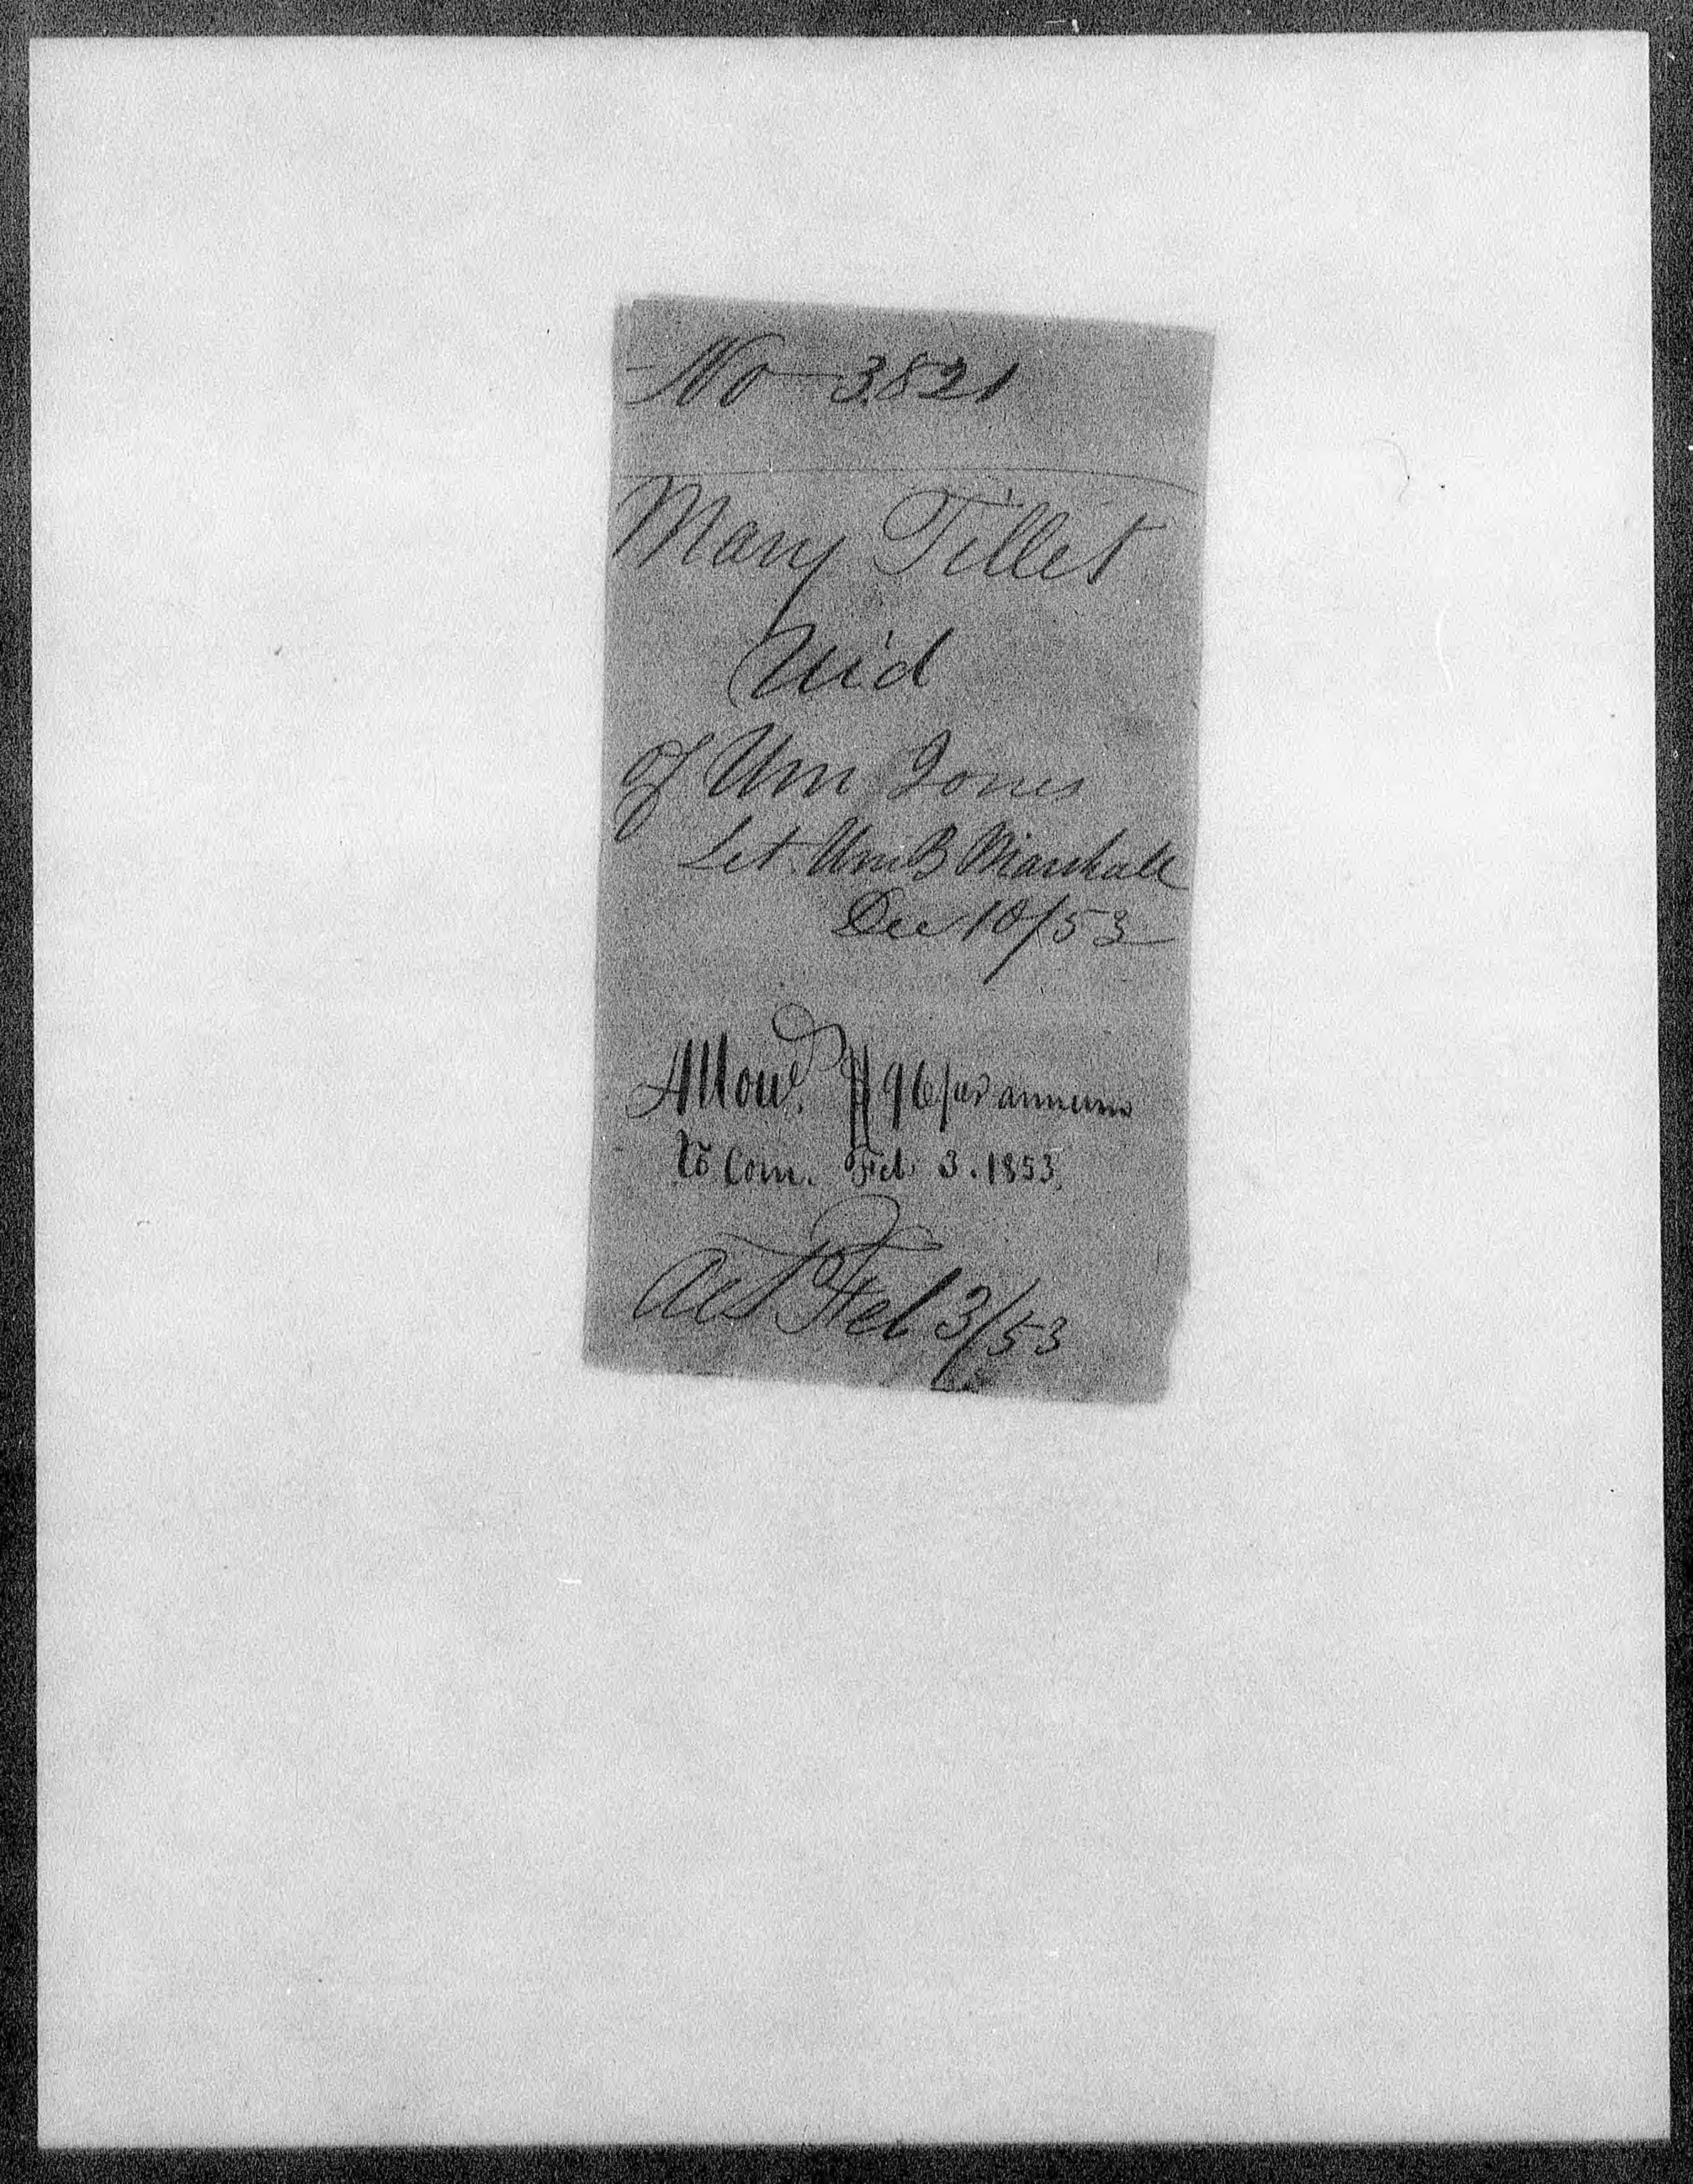No 3.821

Mary Tillet
Did of Wm Jones
Let. Wm B Marshall
Dec 10/53

Allow. $96 per annum
to com. Feb 3. 1853

Act Feb 3/53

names: Mary Tillet; Wm B Marshall; Wm Jones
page: 29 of 39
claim: widow's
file: W 6292, for William Jones, Maryland